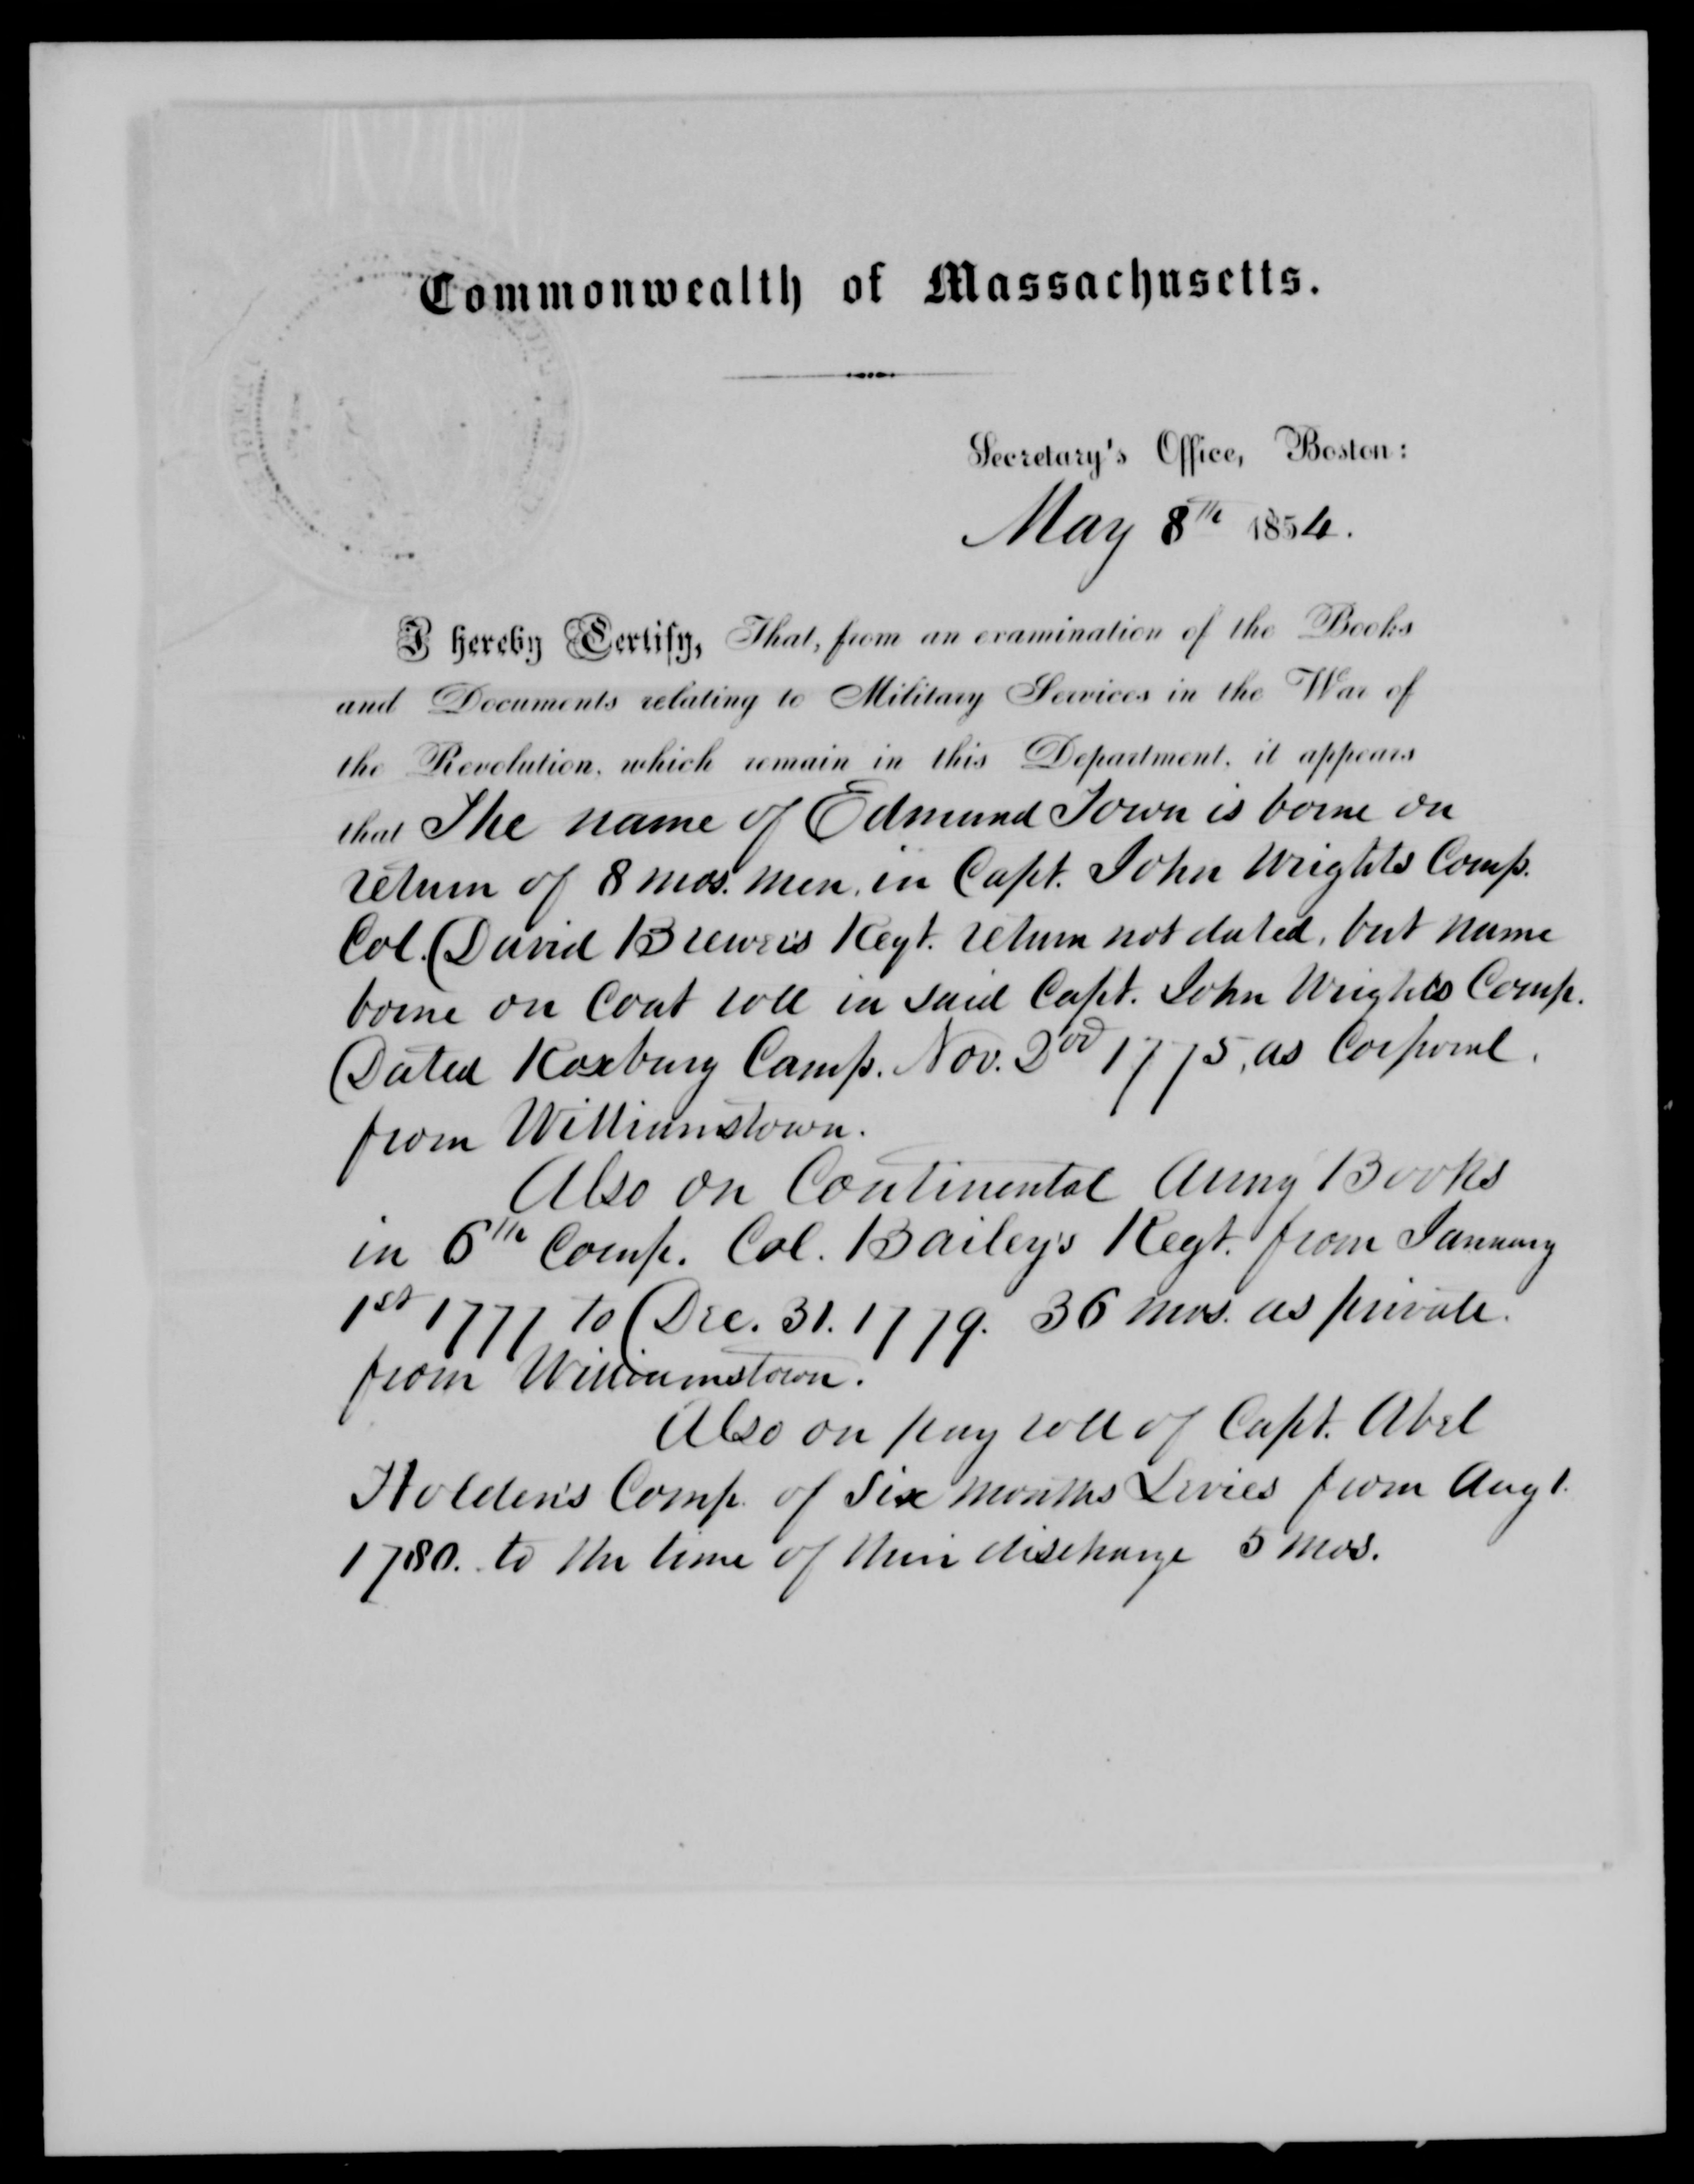Commonwealth of Massachusetts
[Seal on top left of document]
Secretary's Office, Boston:
May 8th 1854.
I hereby Certify, That, from an examination of the Books and Documents relating to Military Services in the War of the Revolution, which remain in this Department, it appears that the name of Edmund Town is borne on return of 8 mos. min. in Capt. John Wrights Comp. Col. David Brewer's Regt. return not dated, but name borne on Coat roll in said Capt. John Wright's Comp. Dated Roxbury Camp. Nov. 2nd 1775, as Corporal from Williamstown.
Also on Continental Army Books in 6th Comp. Col. Bailey's Regt. from January 1st 1777 to Dec. 31, 1779. 36 mos. as private from Williamstown.
Also on pay roll of Capt. Abel Holden's Comp. of six months Levies from Aug 1, 1780 to the time of their discharge 5 mos.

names: Edmund Town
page: 62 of 64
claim: widow's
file: W. 5831, Edmund Town, Mass.